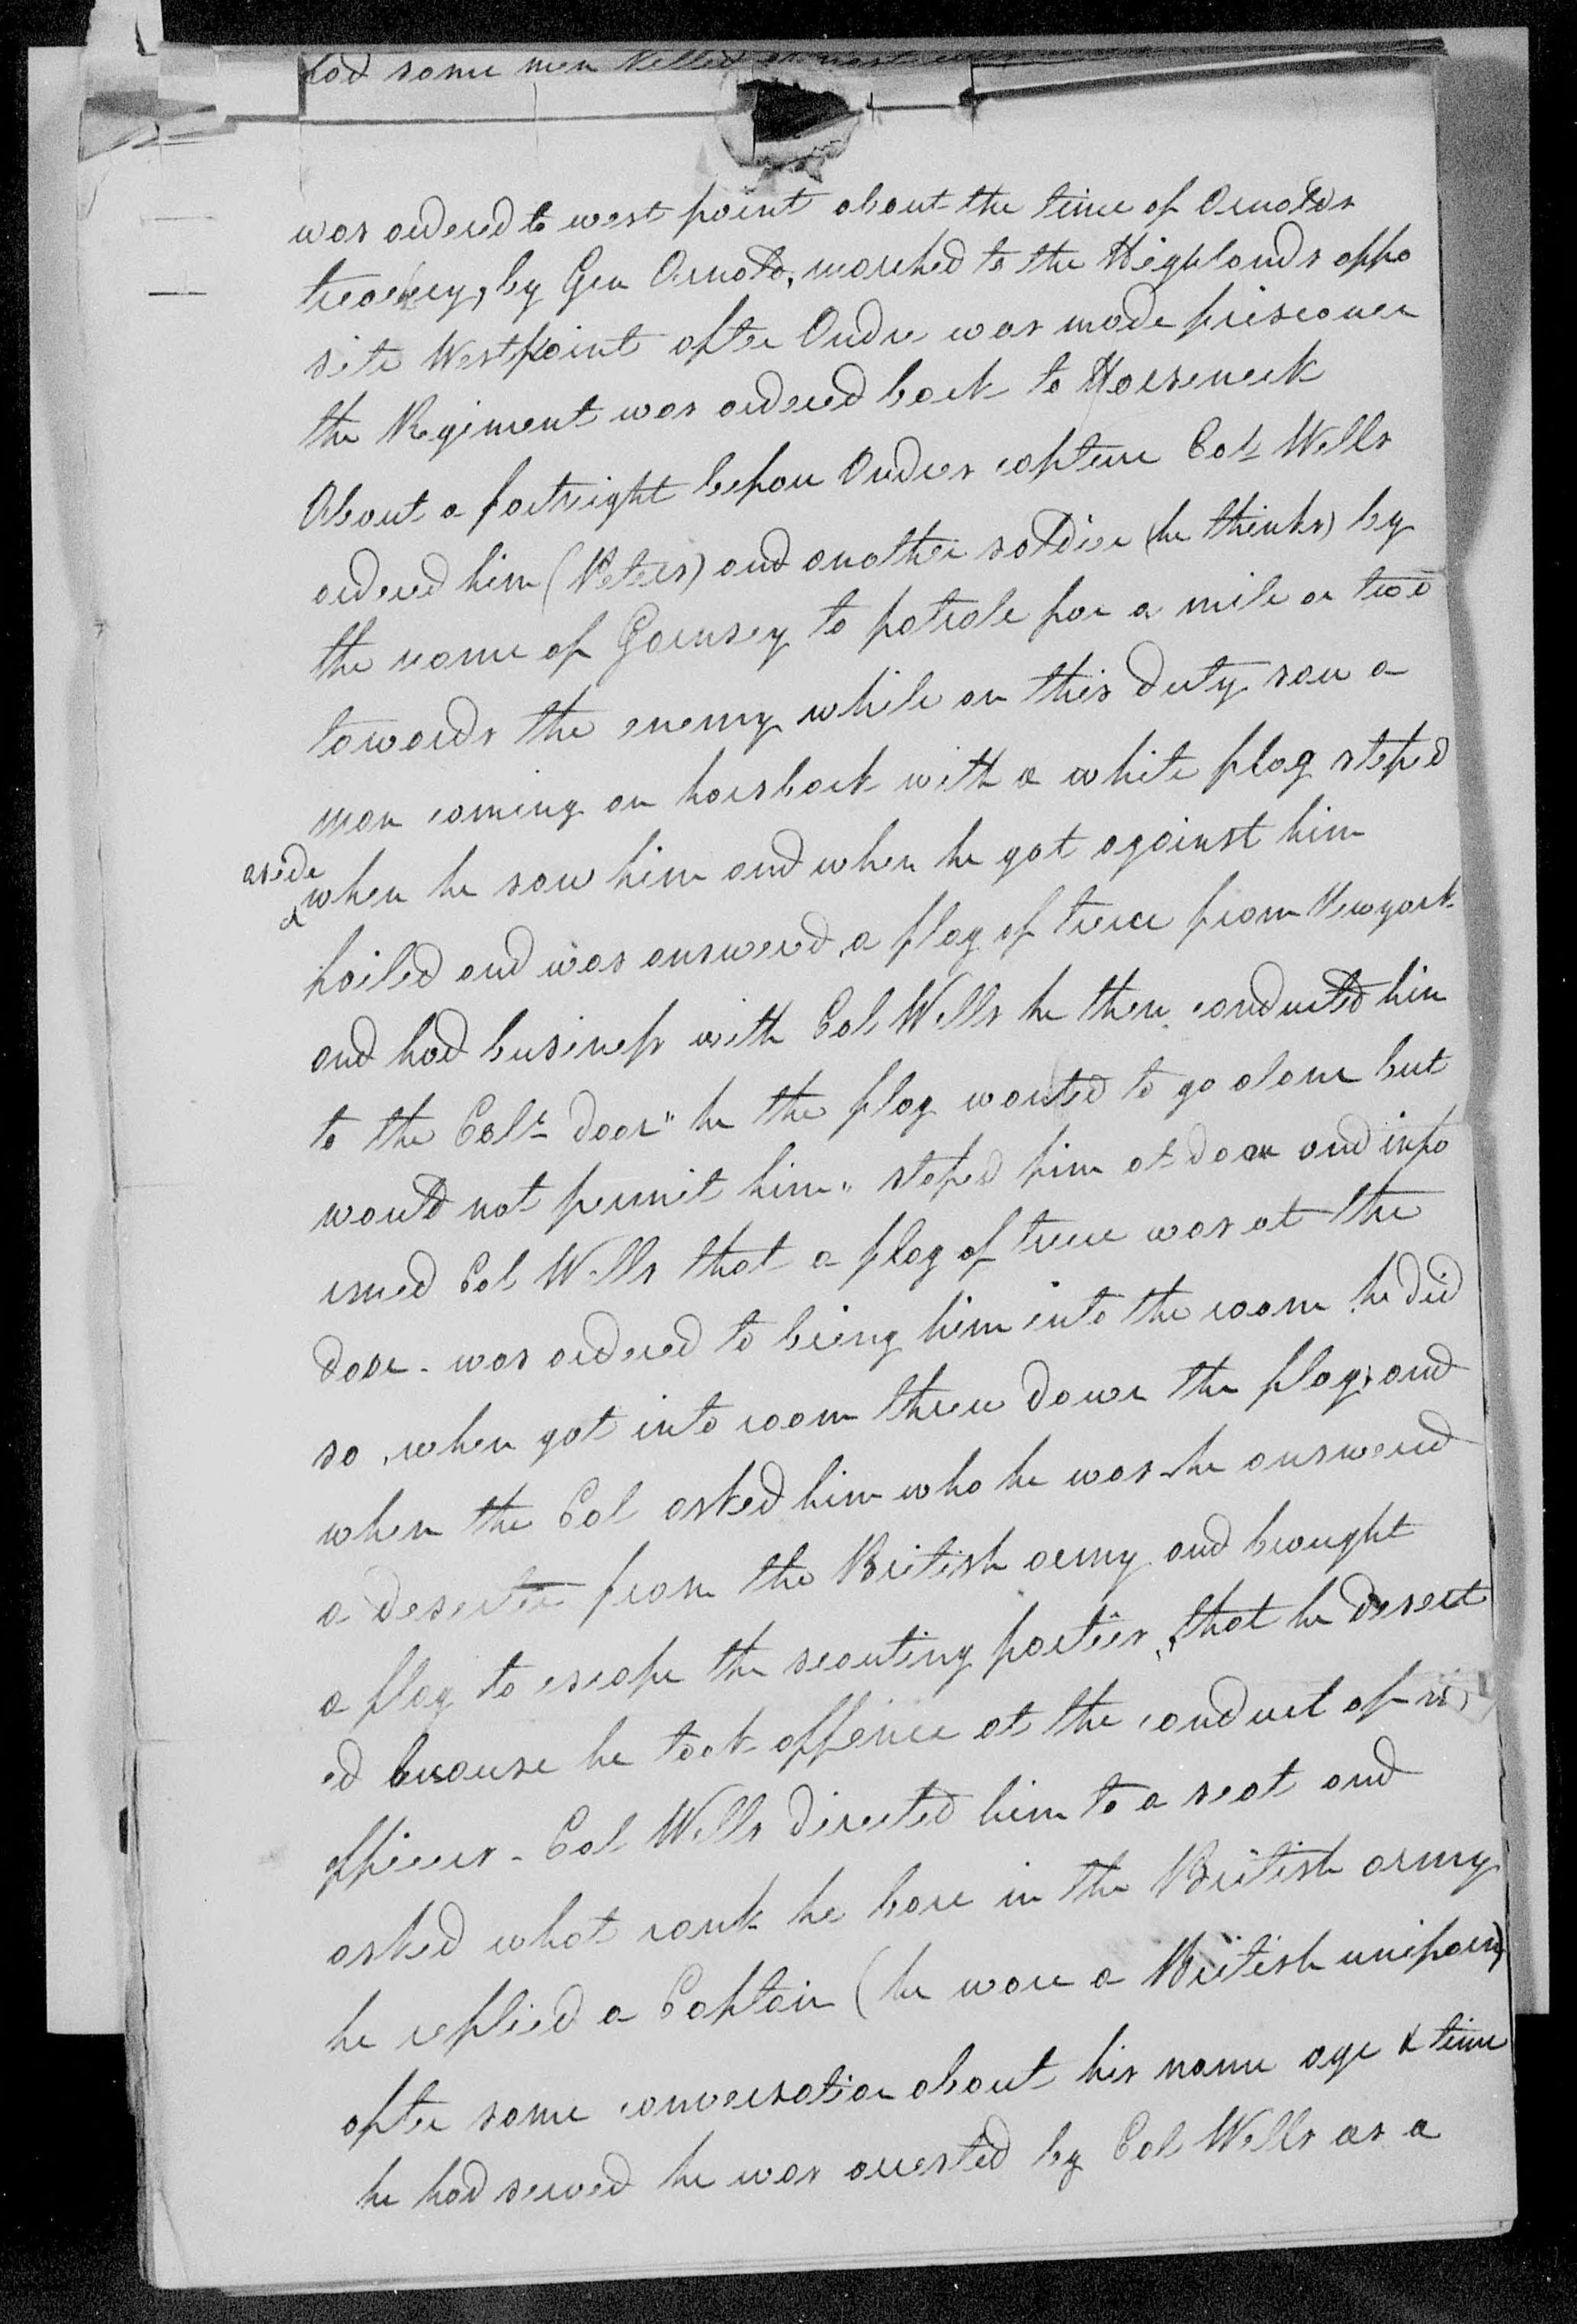was ordered to West Point about the time of Arnolds treachery, by Gen Arnold, marched to the Highlands opposite West Point after Andre was made prisoner the Regiment was ordered back to Horseneck about a fortnight before under Andres capture Col Wells ordered him (Peters) and another soldier (he thinks) by the name of Gonsey to patrole for a mile or two  towards the enemy, while on this duty saw a man coming on horseback with a white flag and stepped aside when he saw him and when he got against him hailed and was answered a flag of truce from New York and had business with Col. Wells, he then conducted him to the Col’s door,  he the flag wanted to go alone but would not permit him, stopped him at door and informed Col. Wells that  a flag of truce was at the door, was ordered to bring him into the room,  he did so, when got into the room threw down the flag and when the Col asked him who he was he answered a deserter from the British army and brought a flag to escape the scouting parties, that he Deserted because he took offence at the conduct of his officers, Col Wells directed him to a rest and what rank he bore in the British army he replied a Captain (he wore a British uniform) and of the same conversation about his name age & time he had served he was arrested by Col Wells as a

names: [BLANK] Peters; [BLANK] Wells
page: 12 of 73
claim: widow's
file: W. 2338, for Joseph P Peters, Connecticut